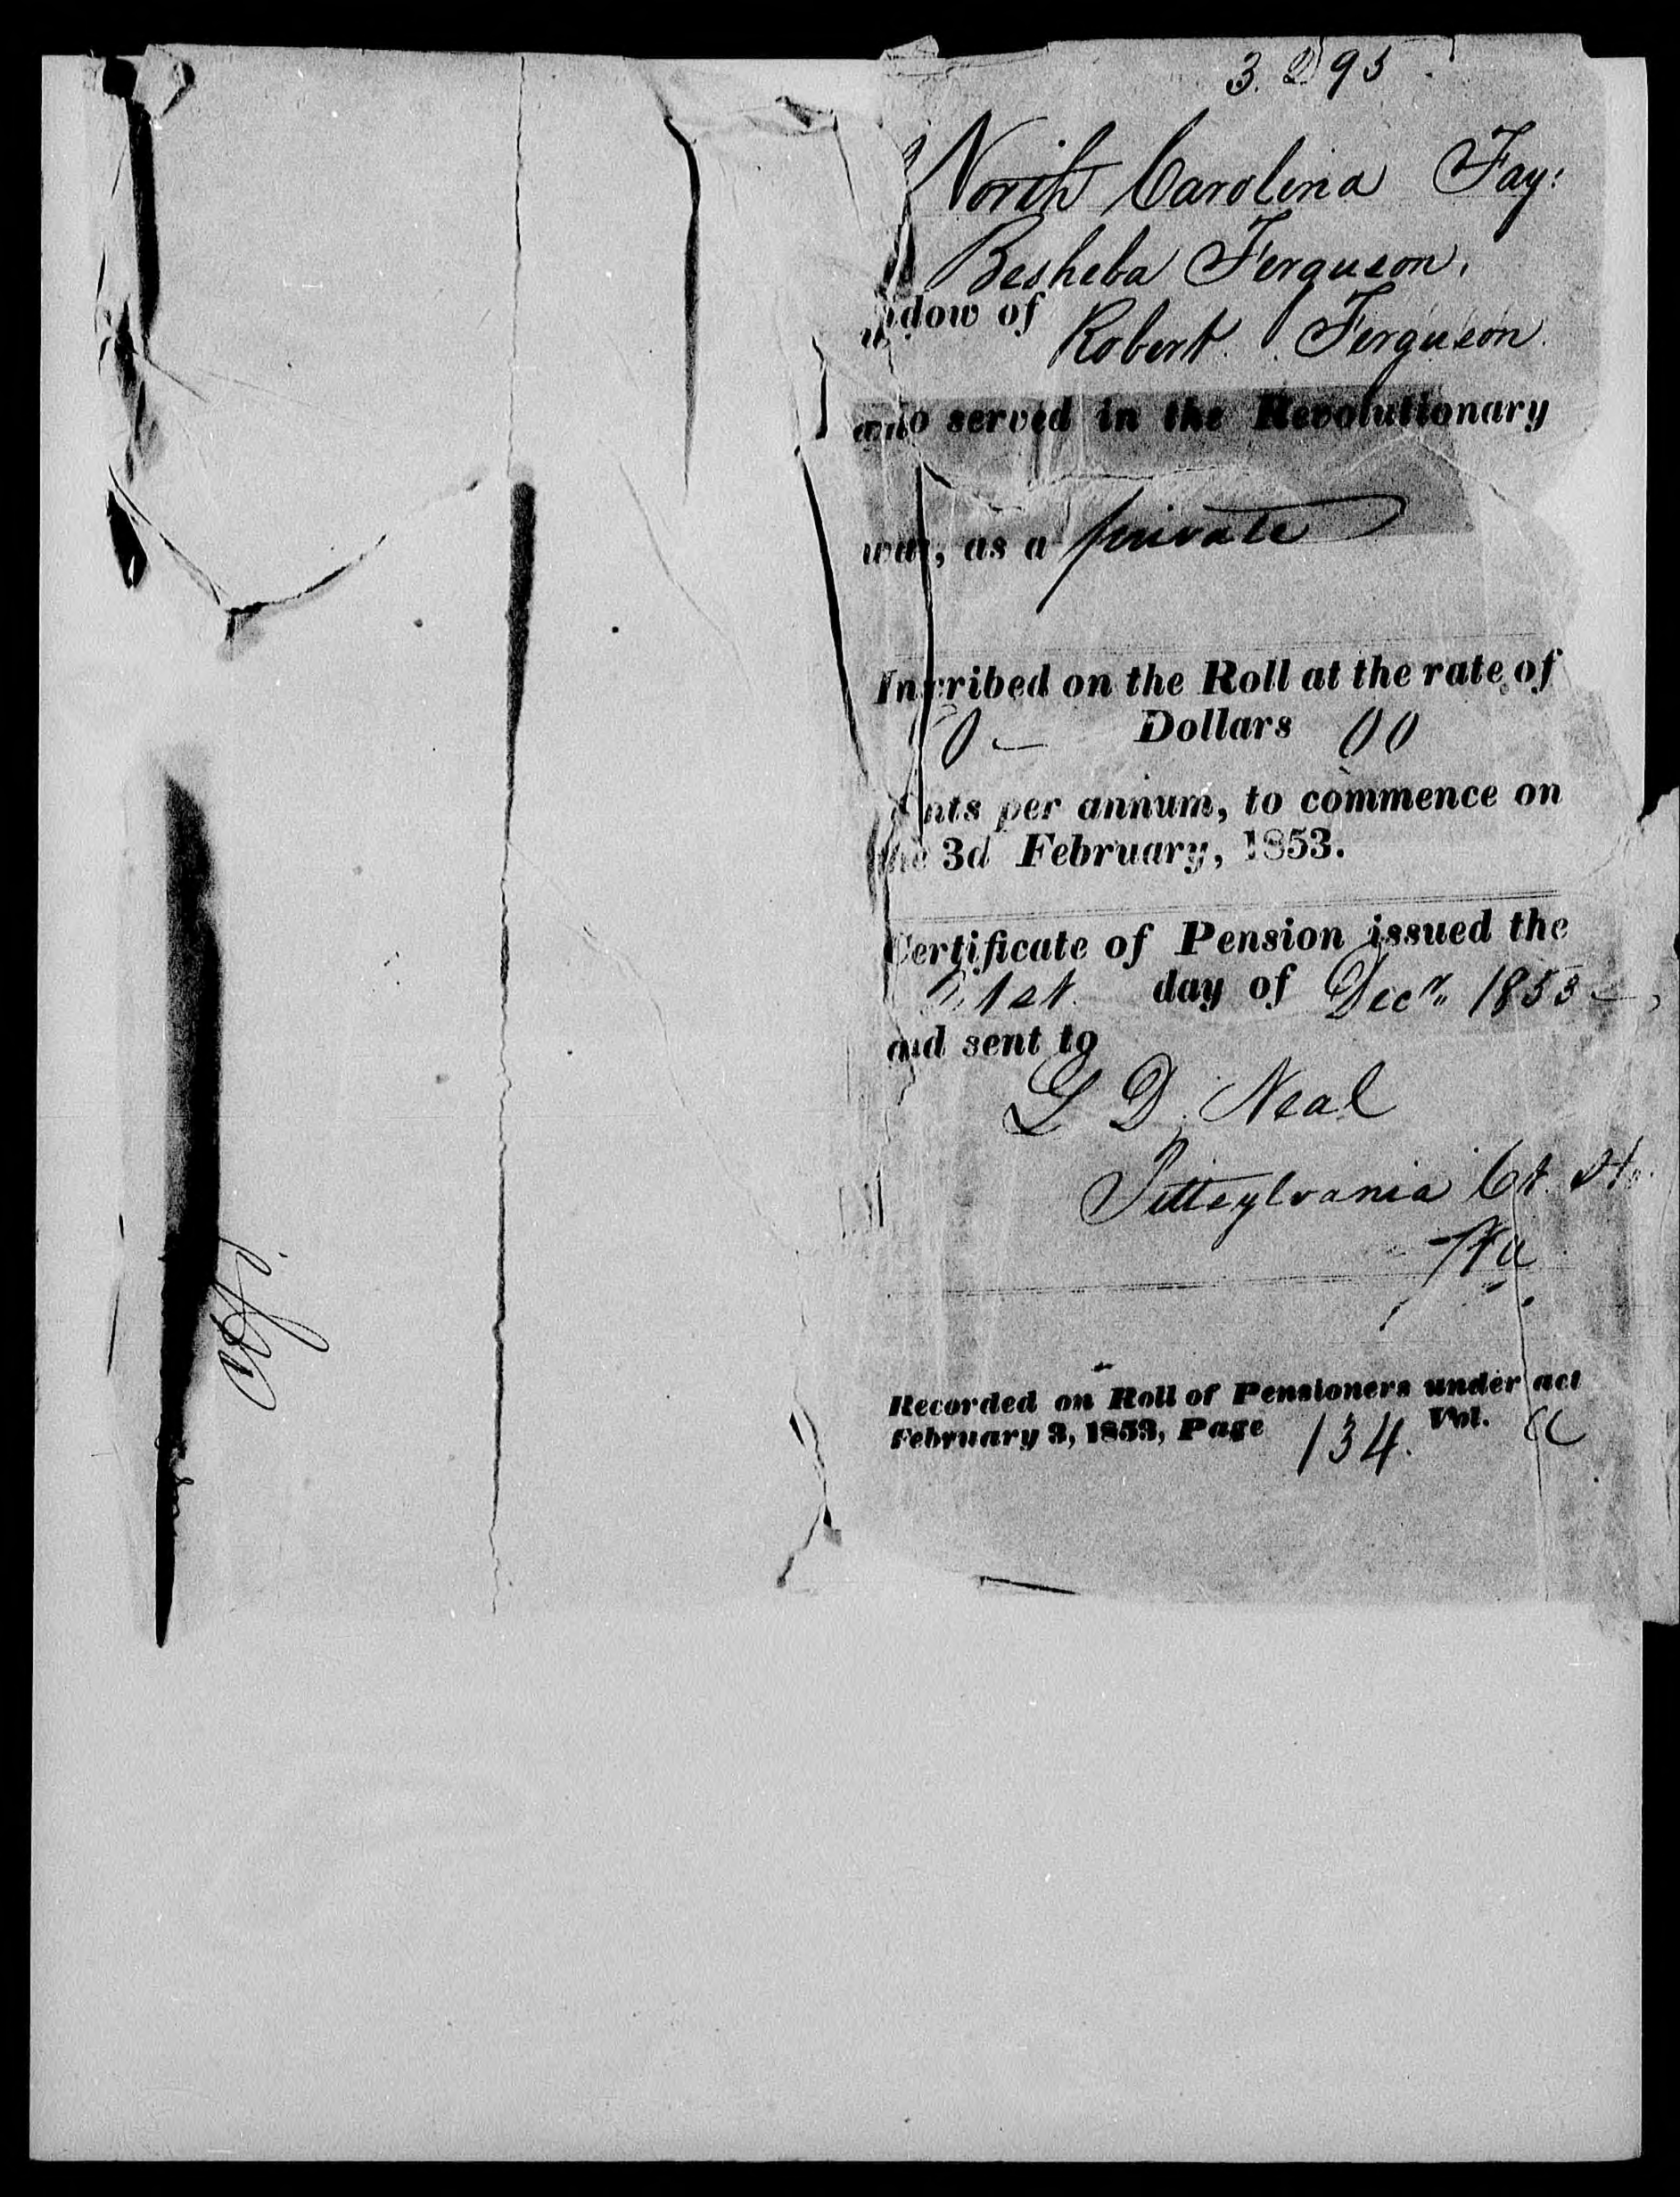3293
North Carolina Fay
Besheba Ferguson
widow of Robert
who served in the Revolutionary war, as a private,
Inscribed on the Roll at the rate of 80 dollars 00 cents per annum, to commence on the 3d February, 1853.
________
Certificate of Pension issued 21st day of Dec. 1853
and sent to G. D. Neal
Pittsylvania Ct House,
[initials]
Recorded on Roll of Pensioners under act February 3, 1853, Page 134 Vol. CC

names: Robert Ferguson, Besheba Ferguson, G D Neal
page: 29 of 81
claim: widow's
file: W. 7262, Robert Ferguson, Va.